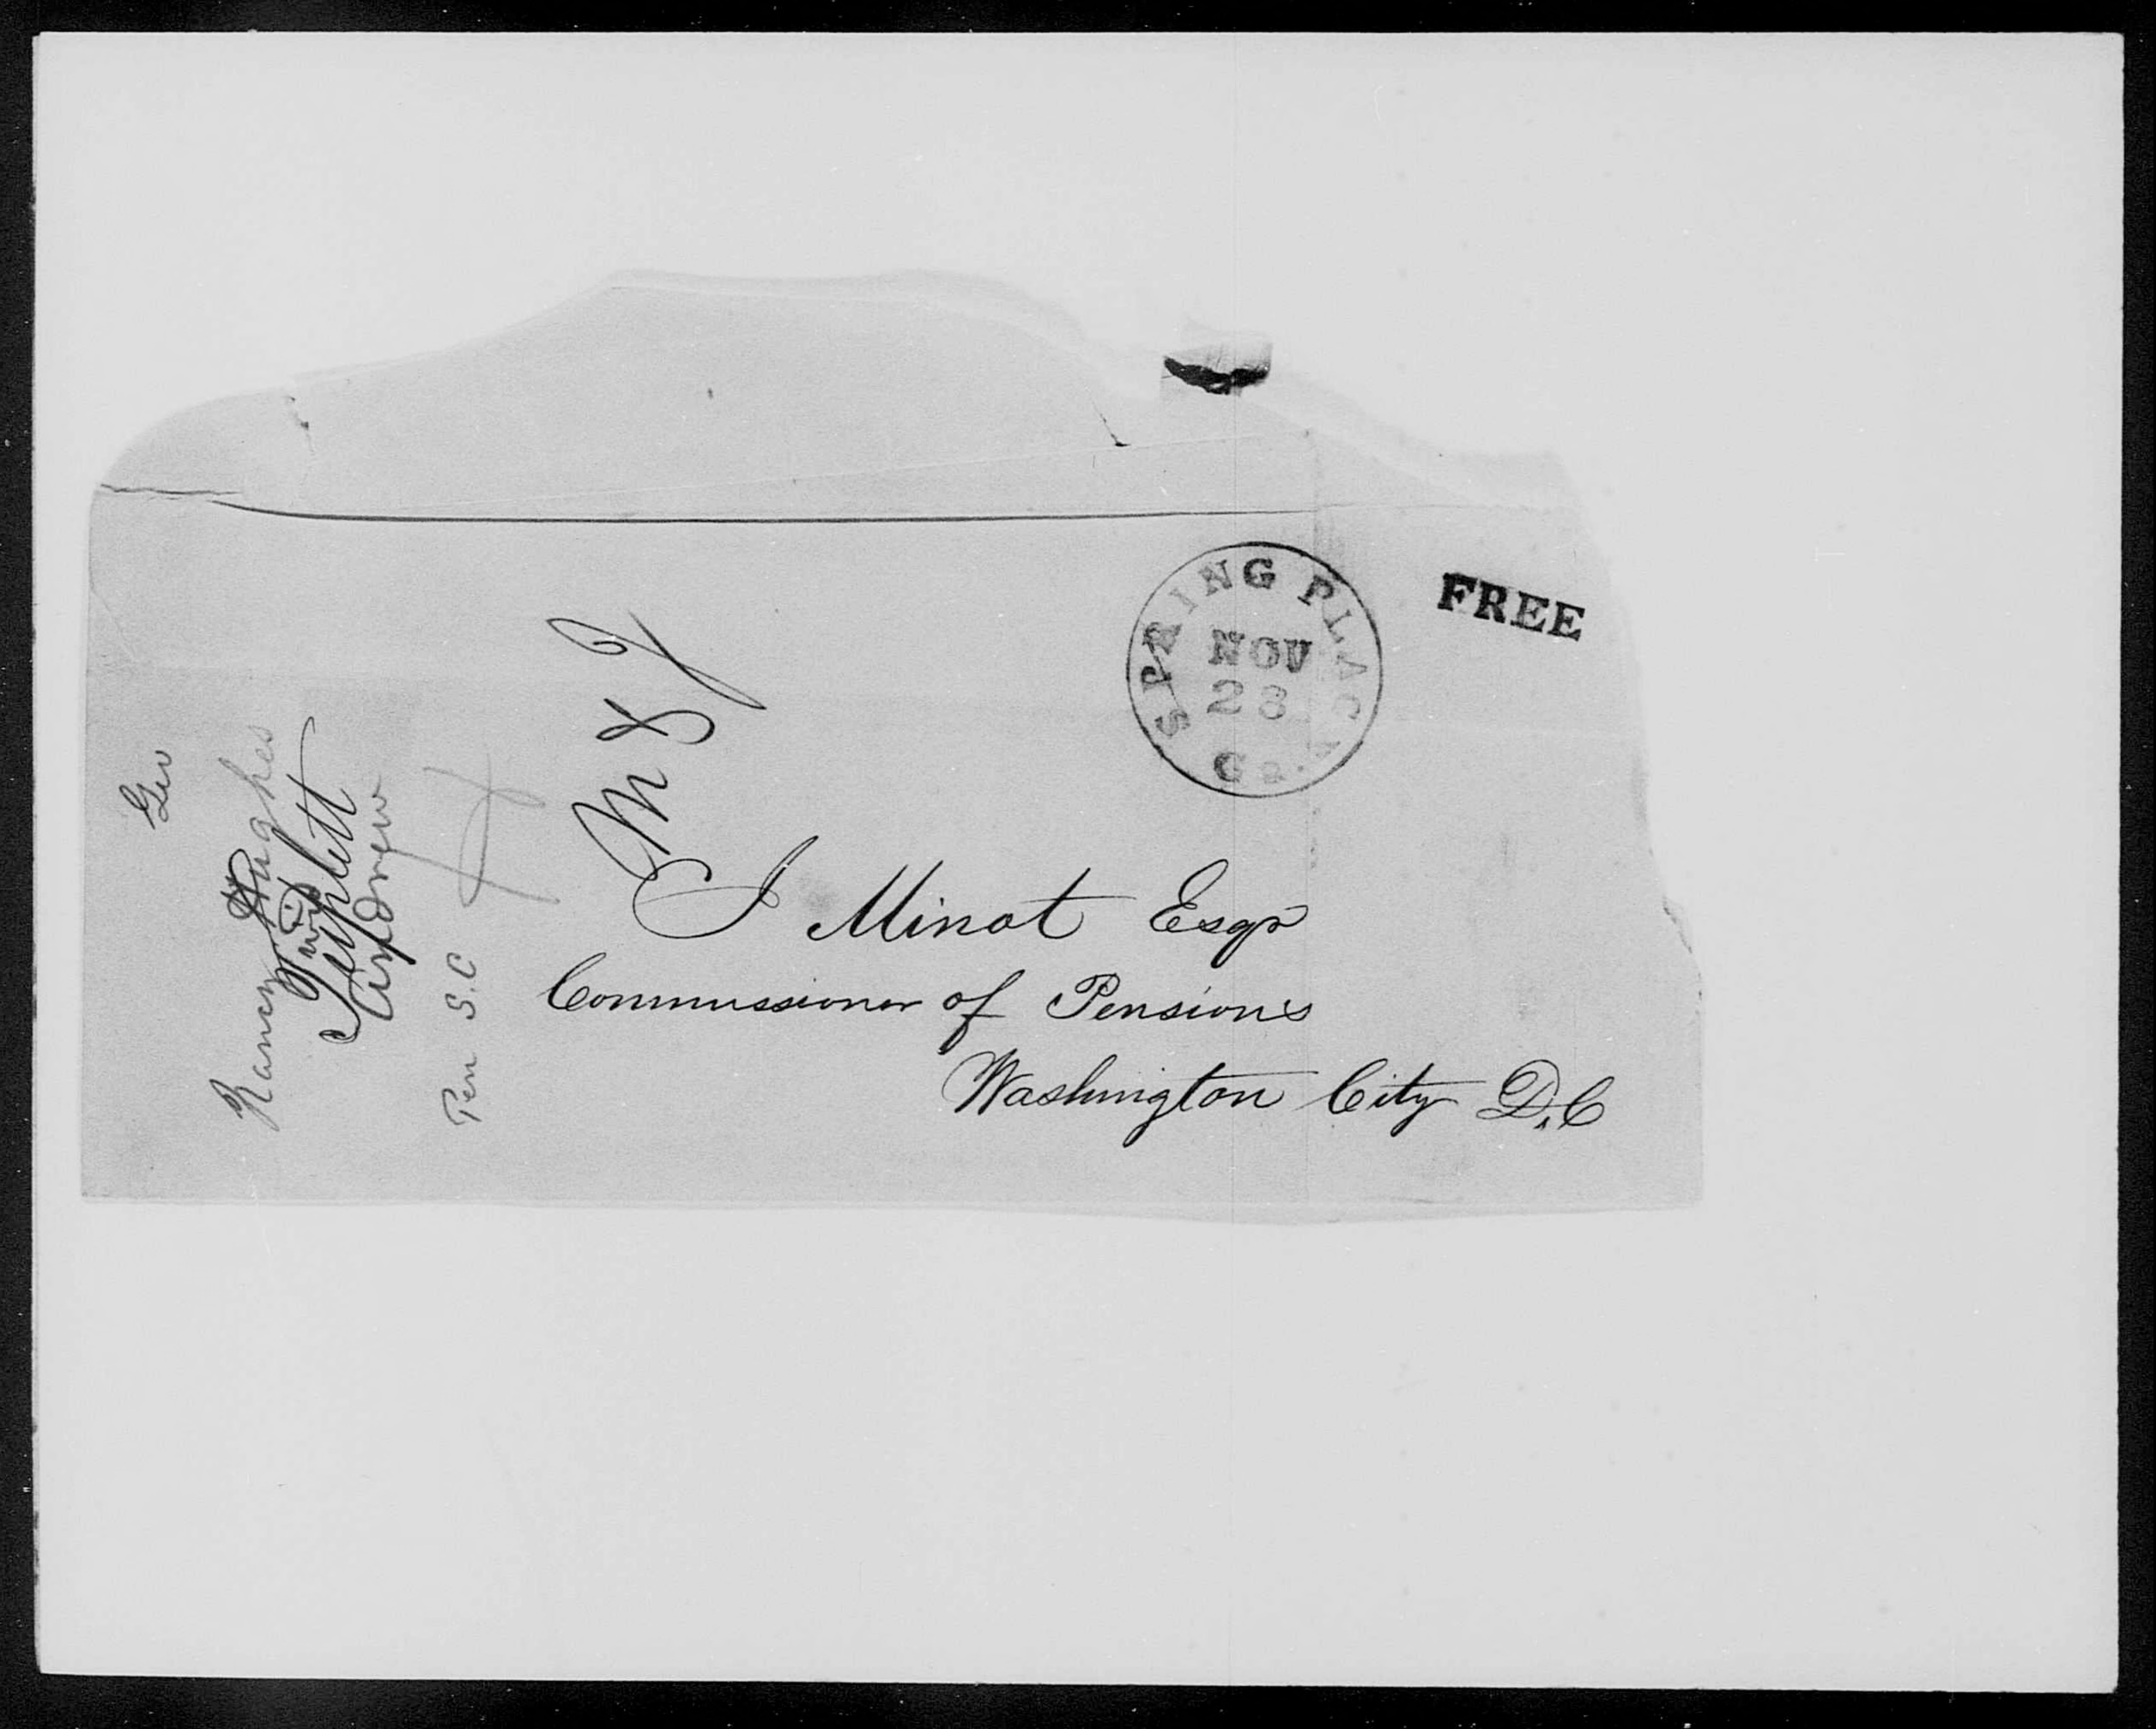[stamped] 
SPRING PLACE Ga.
NOV 23 
FREE
J Minot Esqr
Commissioner of Pensions
Washington City D.C.

 Nancy Hughes
Andrew
 Pen S.C.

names: Andrew Hughes, Triplett, J Minot, Nancy Hughes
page: 26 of 75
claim: widow's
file: W. 25805, Andrew Hughes, N.C.